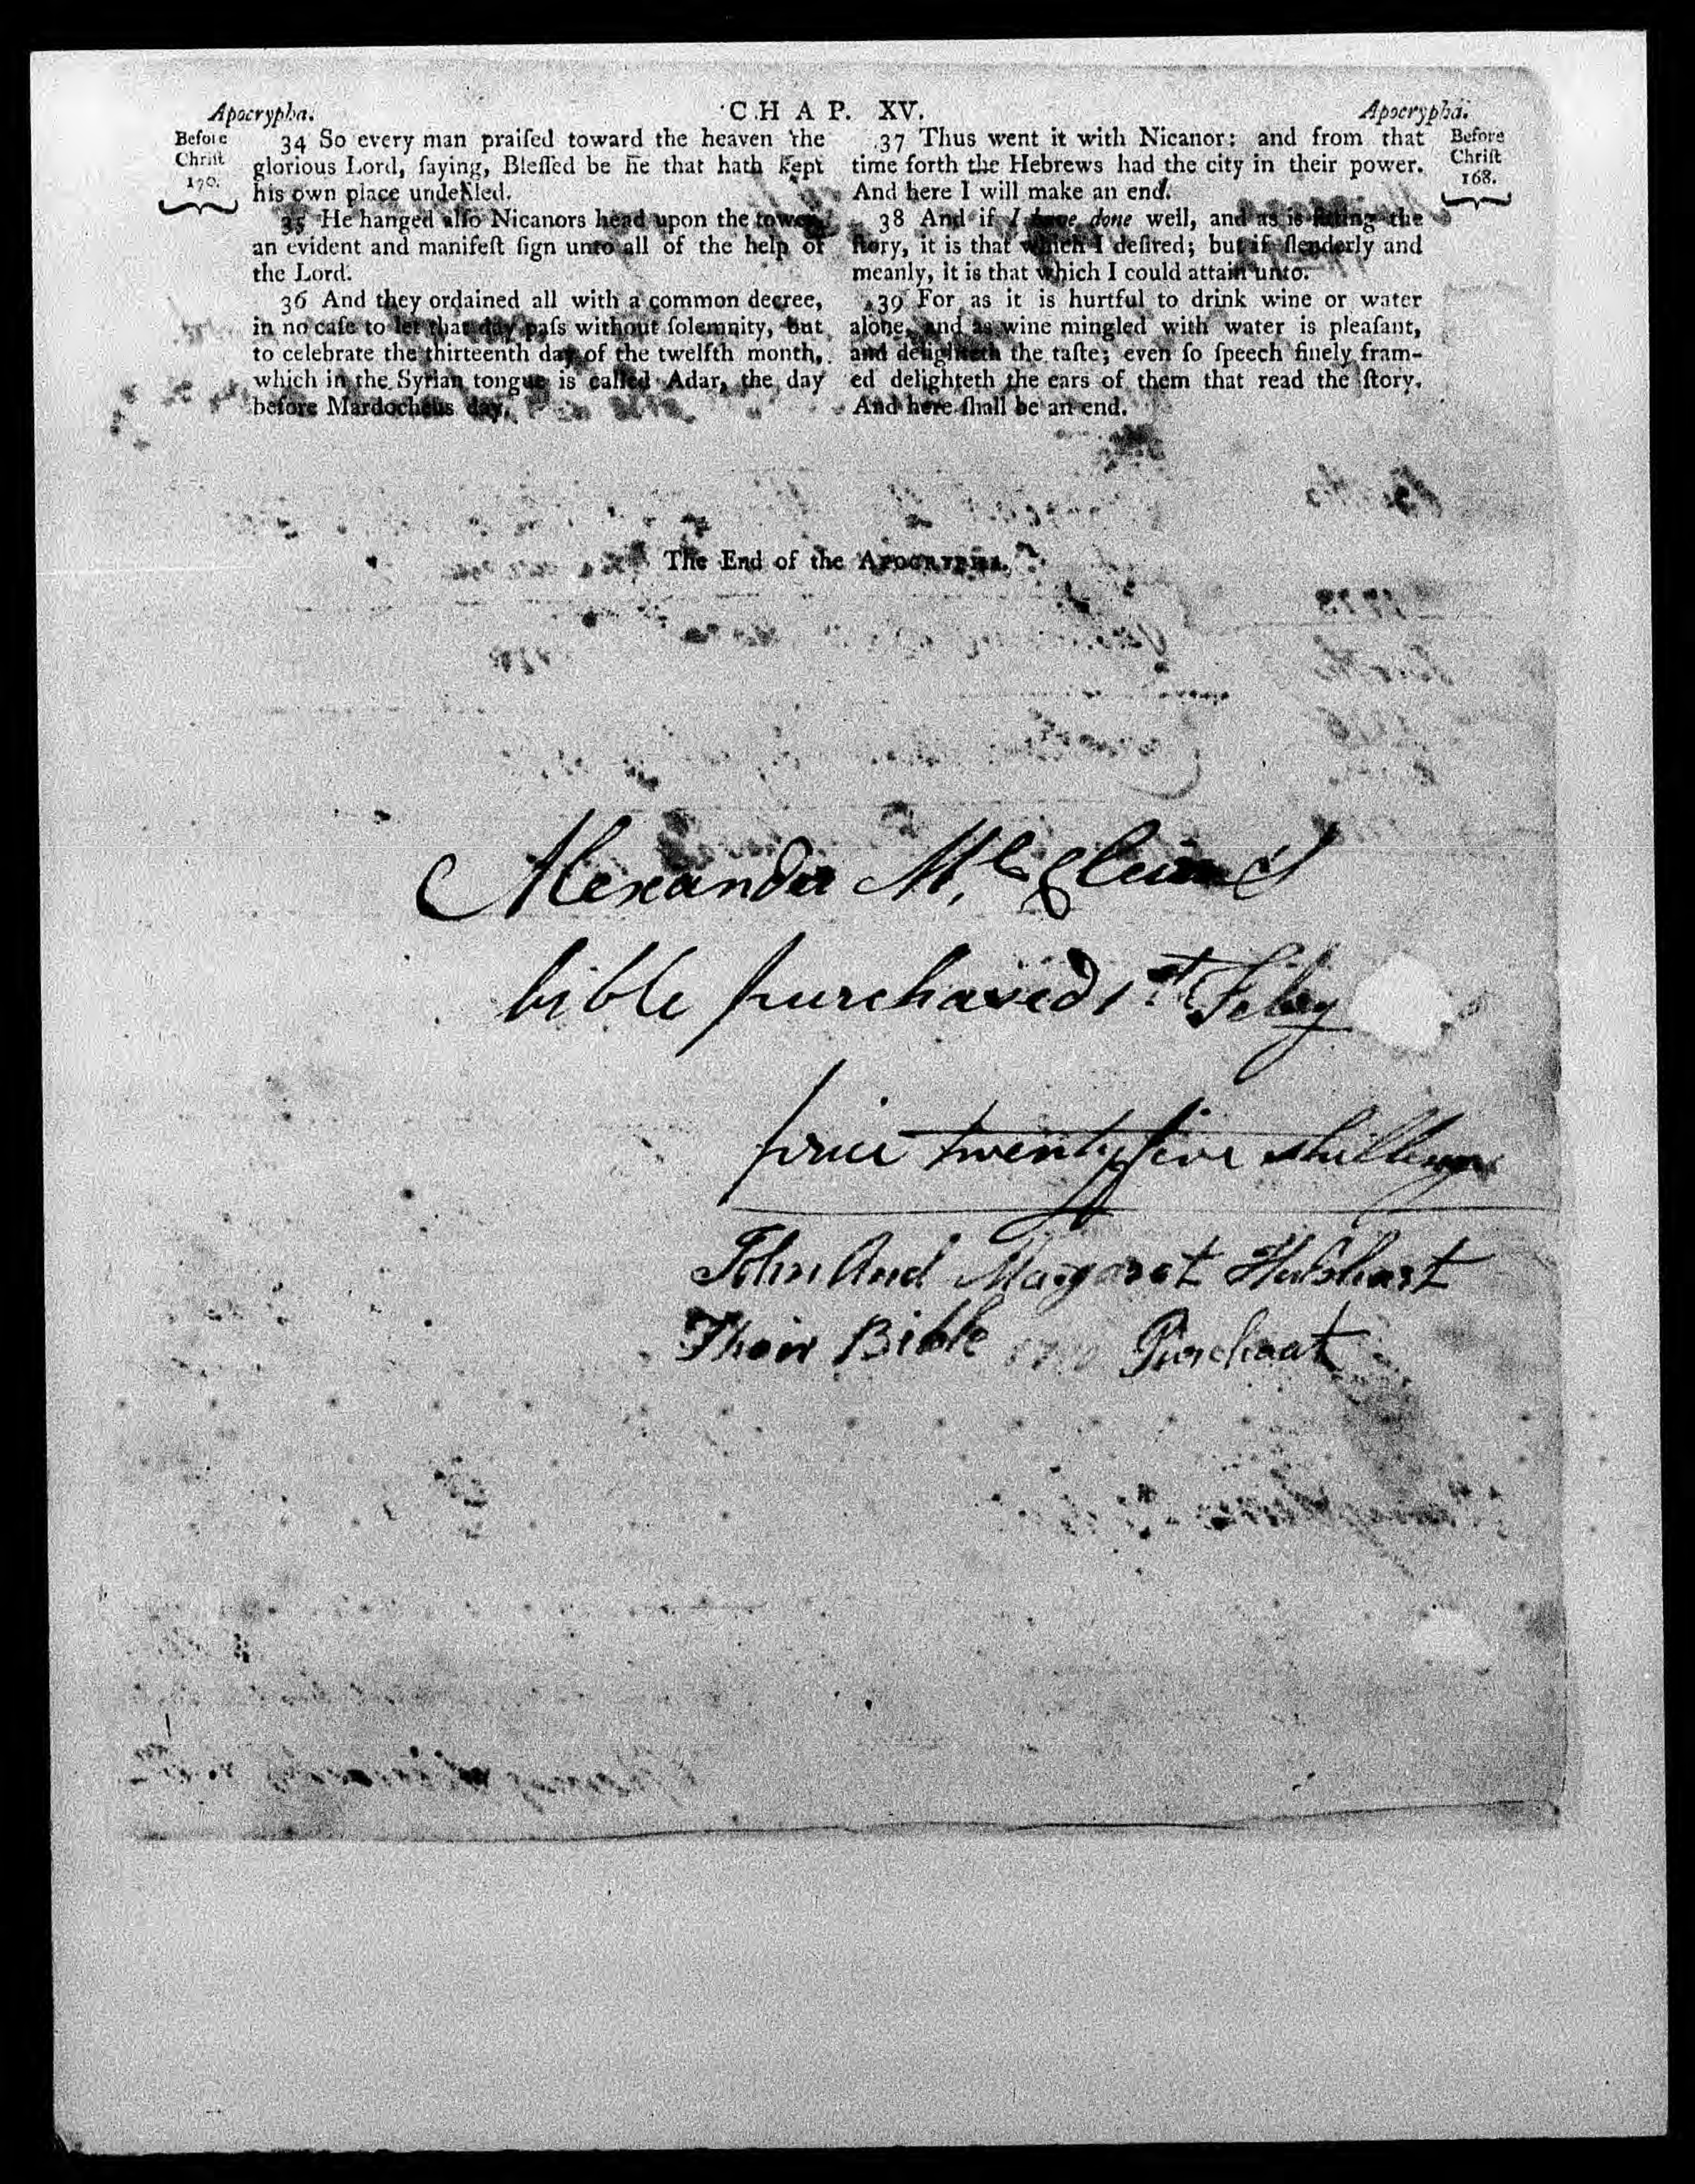CHAP XV.
Apocrypha.      Apocrypha.

Before Christ
170.

34 So every man praised toward the heaven the glorious Lord, saying, Blessed be he that hath kept his own place undefiled.
35 He hanged also Nicanors head upon the tower an evident and manifest sign unto all of the help of the Lord.
36 And they ordained all with a common degree, in no case to let that day pass without solemnity, but to celebrate the thirteenth day of the twelfth month, which in the Syrian tongue is called Adar, the day before the Mardocheus day.

Before Christ
168.
37 Thus went it with Nicanor: and from that  time forth the Hebrews had the city in their power.  And here I will make an end.
38 And if I have done well, and as is fitting the story, it is that which I desired; but if slenderly and meanly, it is that which I could attain unto.
39 For as it is hurtful to drink wine or water
alone and as wine mingled with water is pleasant, and delighteth the taste, even so speech finely framed delighteth the ears of them that read the story.
And here shall be an end.

The End of the Apocrypha.
,
Alexander McClair
bible purchased 1st Feby [cut off]
price twenty five shillings
----------------
John and Margaret Hulshart
Their Bible 1780 purch at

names: Margaret Hulshart, John Hulshart, Alexander Mc Clair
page: 13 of 34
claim: widow's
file: W. 940, John Hulshart, New Jersey